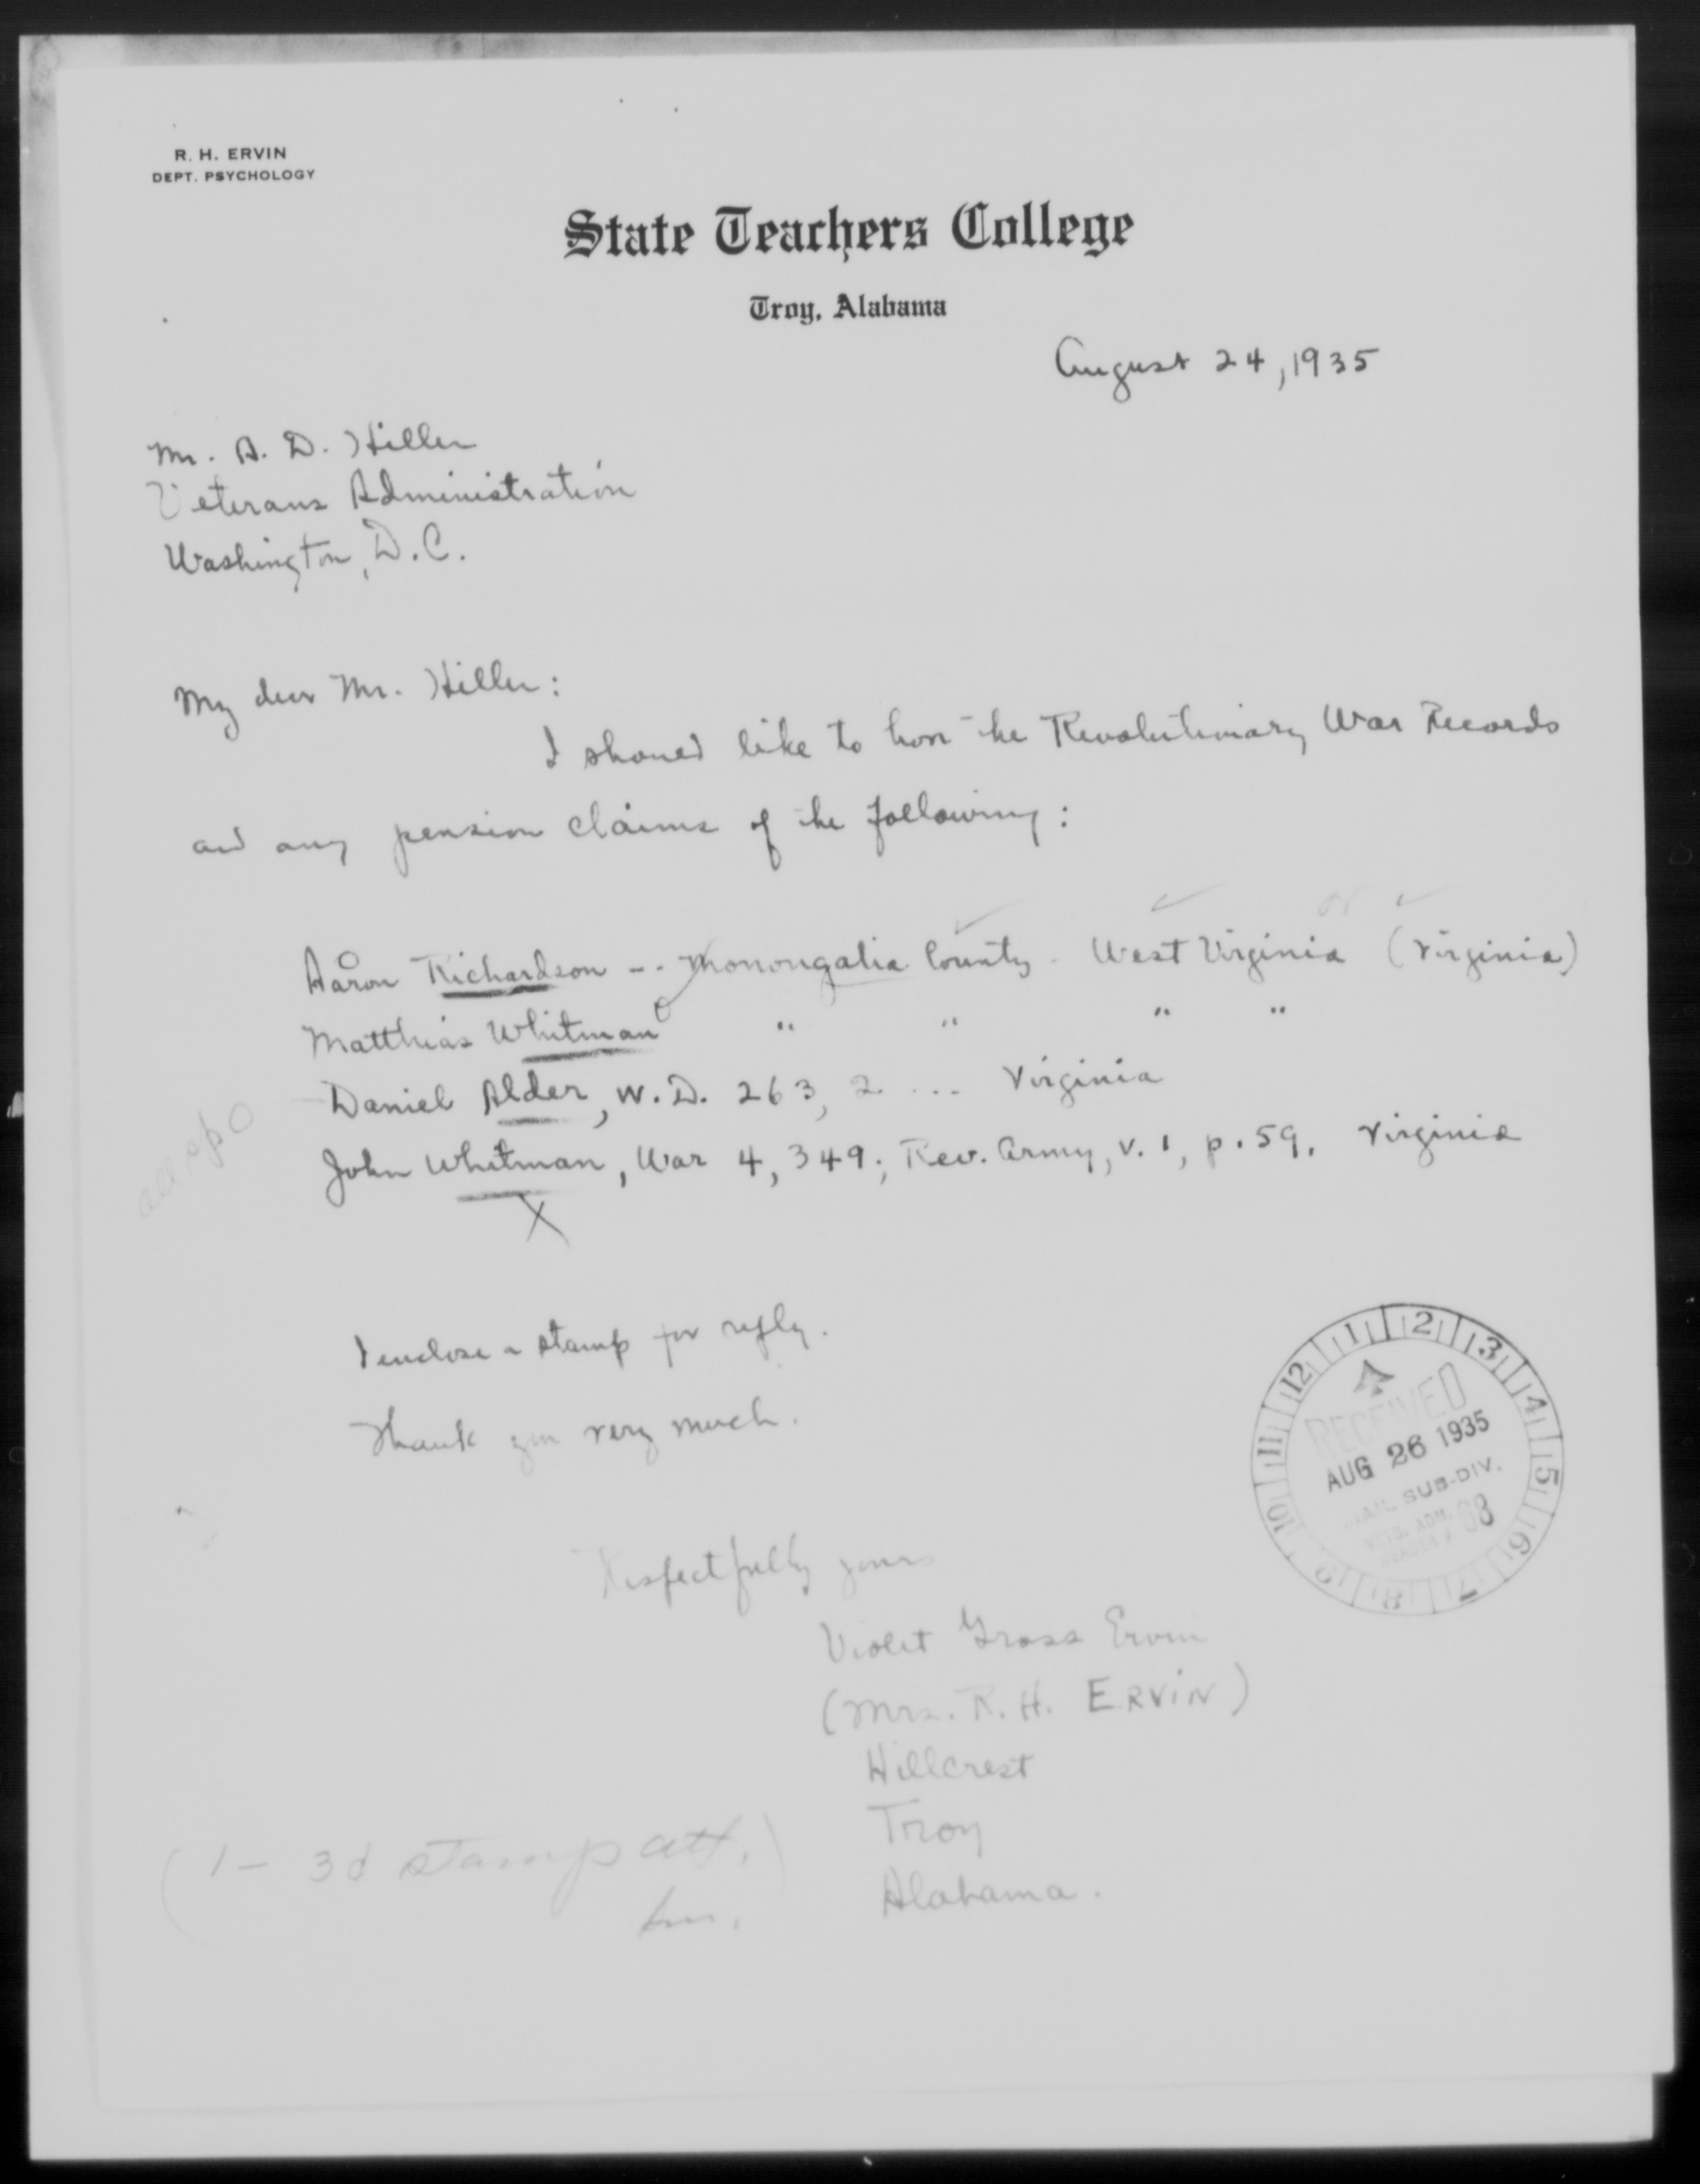R. H. ERVIN
DEPT. PSYCHOLOGY
State Teachers College
Troy, Alabama

August 24, 1935


Mr. A. D. Hiller
Veterans Administration
Washington D.C

Mr. dear Mr. Hiller:
I should like to have the Revolutionary War Records
any pension claims of the following:
Aaron Richardson - Monongalia County, West Virginia (Virginia)
Matthias Whitman ..
Daniel Alder W.D.263, 2 .... Virginia
John Whitman, War 4, 349, Rev. Army, V. 1, P. 59. Virginia
X
All spo

I enclose a stamp for reply
Thank you very much.

Respectfully your
Violet Gross Ervin
(Mrs. N.H. ERVIN)
Hillarest
Troy
Alabama

(1- 3 cent stamp att.
Sm.)

RECEIVED
AUG 26 1935
MAIL SUB-DIV.
VETS ADM 
Reader # 88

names: Violet Gross Ervin, Matthias Whitman, Daniel Alder, Aaron Richardson, John Whitman, A D Hiller, R H Ervin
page: 15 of 22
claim: survivor's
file: S 2023, John Whitman, Va.